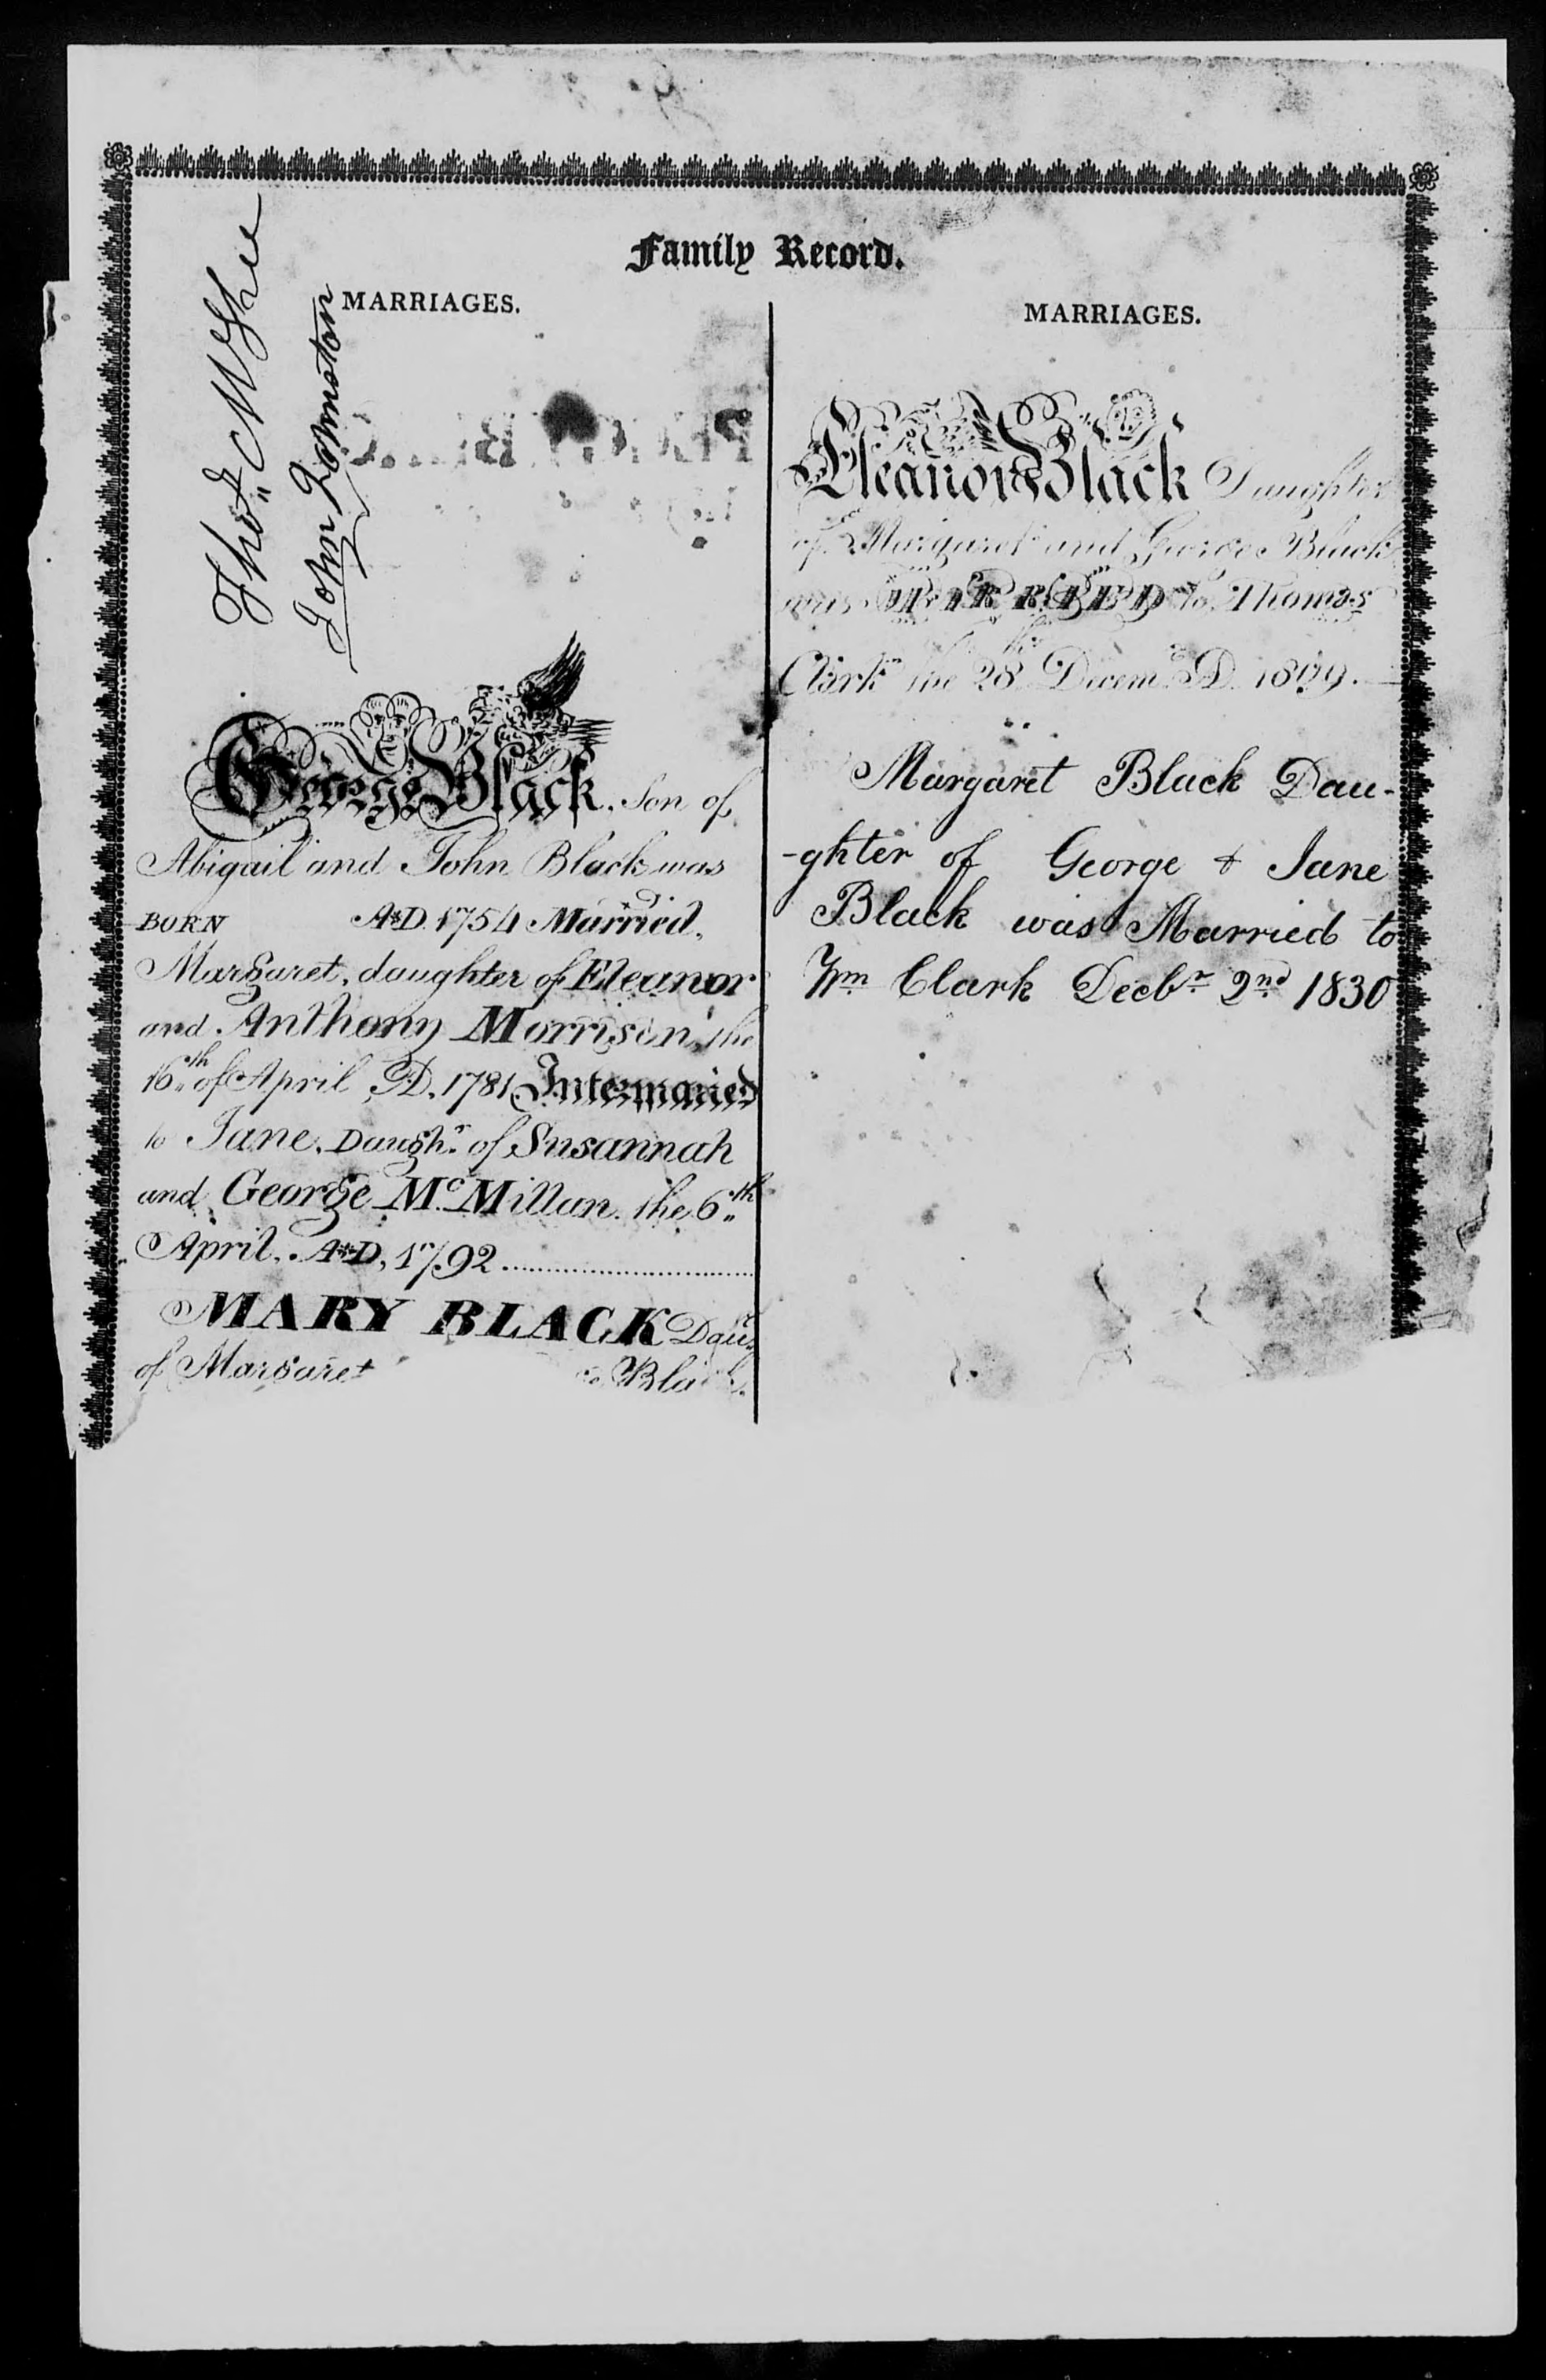Family Record.
MARRIAGES         [Signatures written by Thos McKee, John Johnston]

George Black, Son of Abigail and John Black was BORN A.D 1754 Married, Margaret, daughter of Eleanor and Anthony Morrison the 16th of April AD. 1781. Intermarried to Jane, Daughter of Susannah and George McMillan the 6th April. A.D 1"/92..................
MARY BLACK, Daug
of Margaret        Black


MARRIAGES.

Eleanor Black Daughter of Margaret and George Black [illegible] MARRIED to Thomas Clark the 28 Decem AD. 1809.

Margaret Black Dau-
ghter of George & Jane Black was Married to
Wm. Clark Decbr. 2nd 1830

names: George Mc Millan, George Black, Jane, Eleanor Black, Margaret Black, Margaret, Margaret Black, Thos Mc Ghee, John Black, Margaret, Eleanor, Mary Black, Jane Black, Black, Abigail, Wm Clark, Anthony Morrison, George Black, Thomas Clark, Susannah, Mary Black, , John Johnston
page: 14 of 30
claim: widow's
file: W. 3211, George Black, Penn.